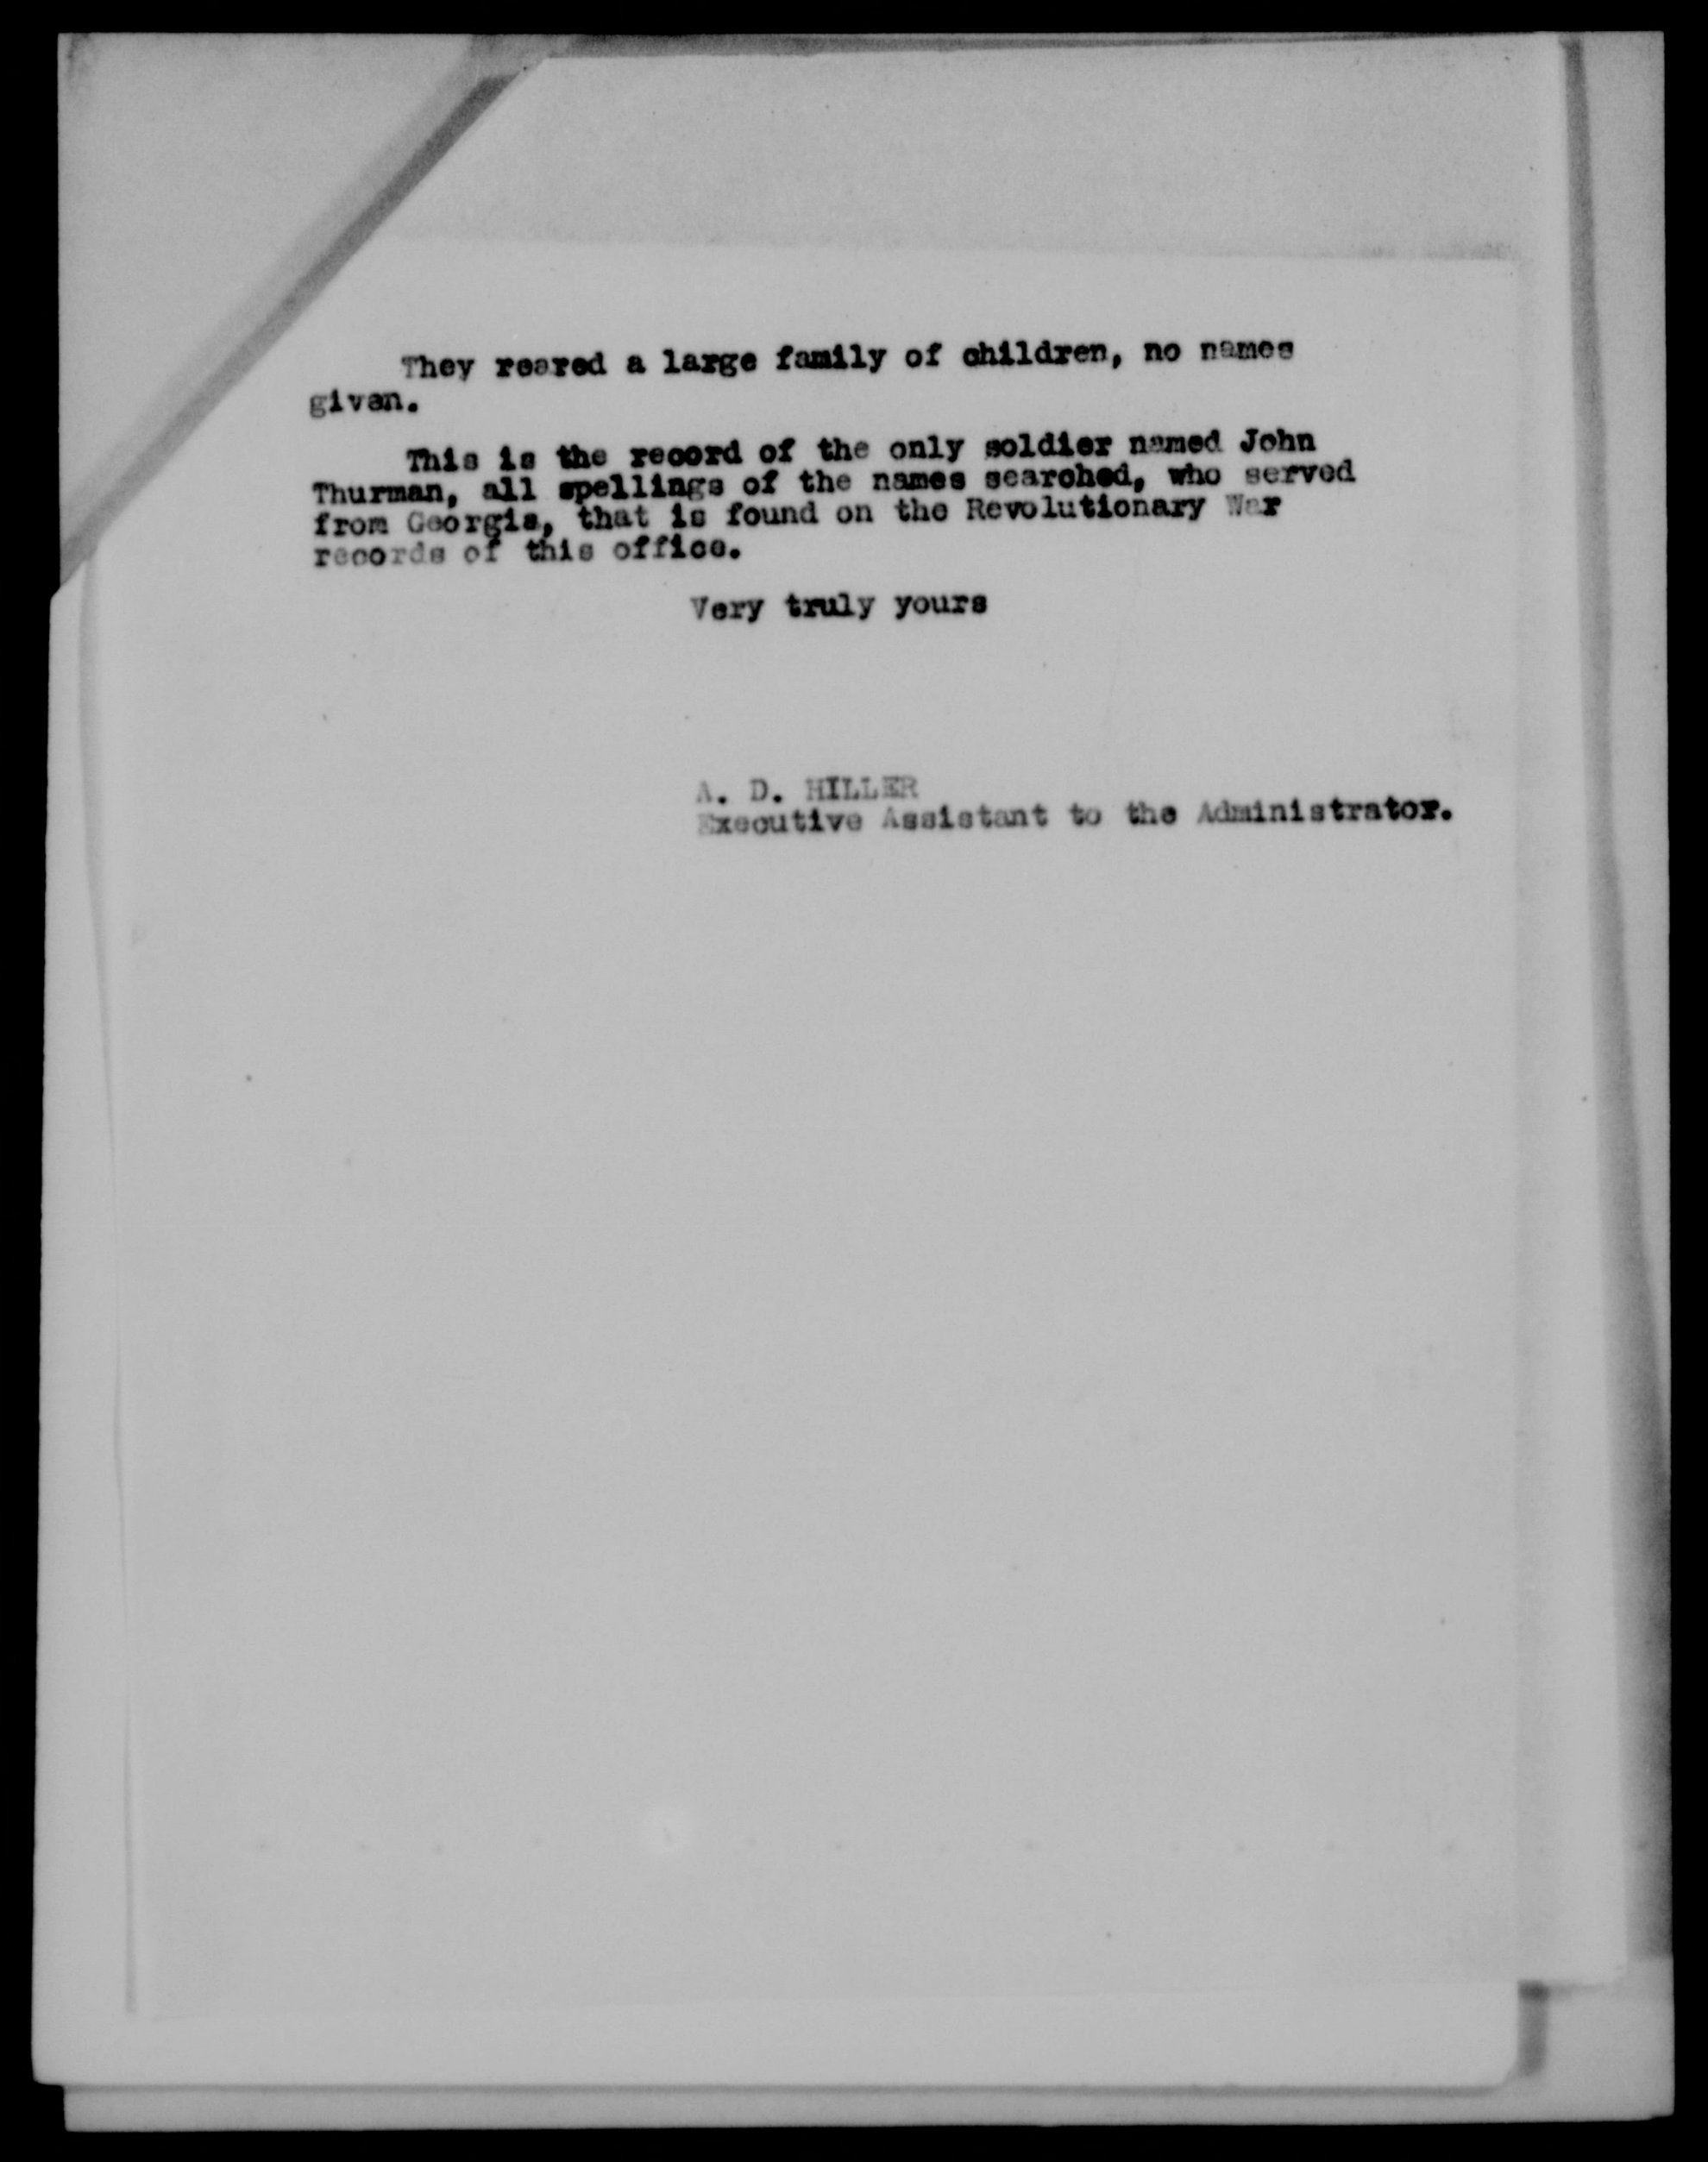They reared a large family of children, no names
given.
This is the record of the only soldier named John
Thurman, all spellings of the names searched, who served
from Georgia, that is found on the Revolutionary War
records of this office.

Very truly yours

A. D. HILLER
Executive Assistant to the Administrator.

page: 47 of 53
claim: widow's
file: W. 6,267, for John Thurman, Georgia